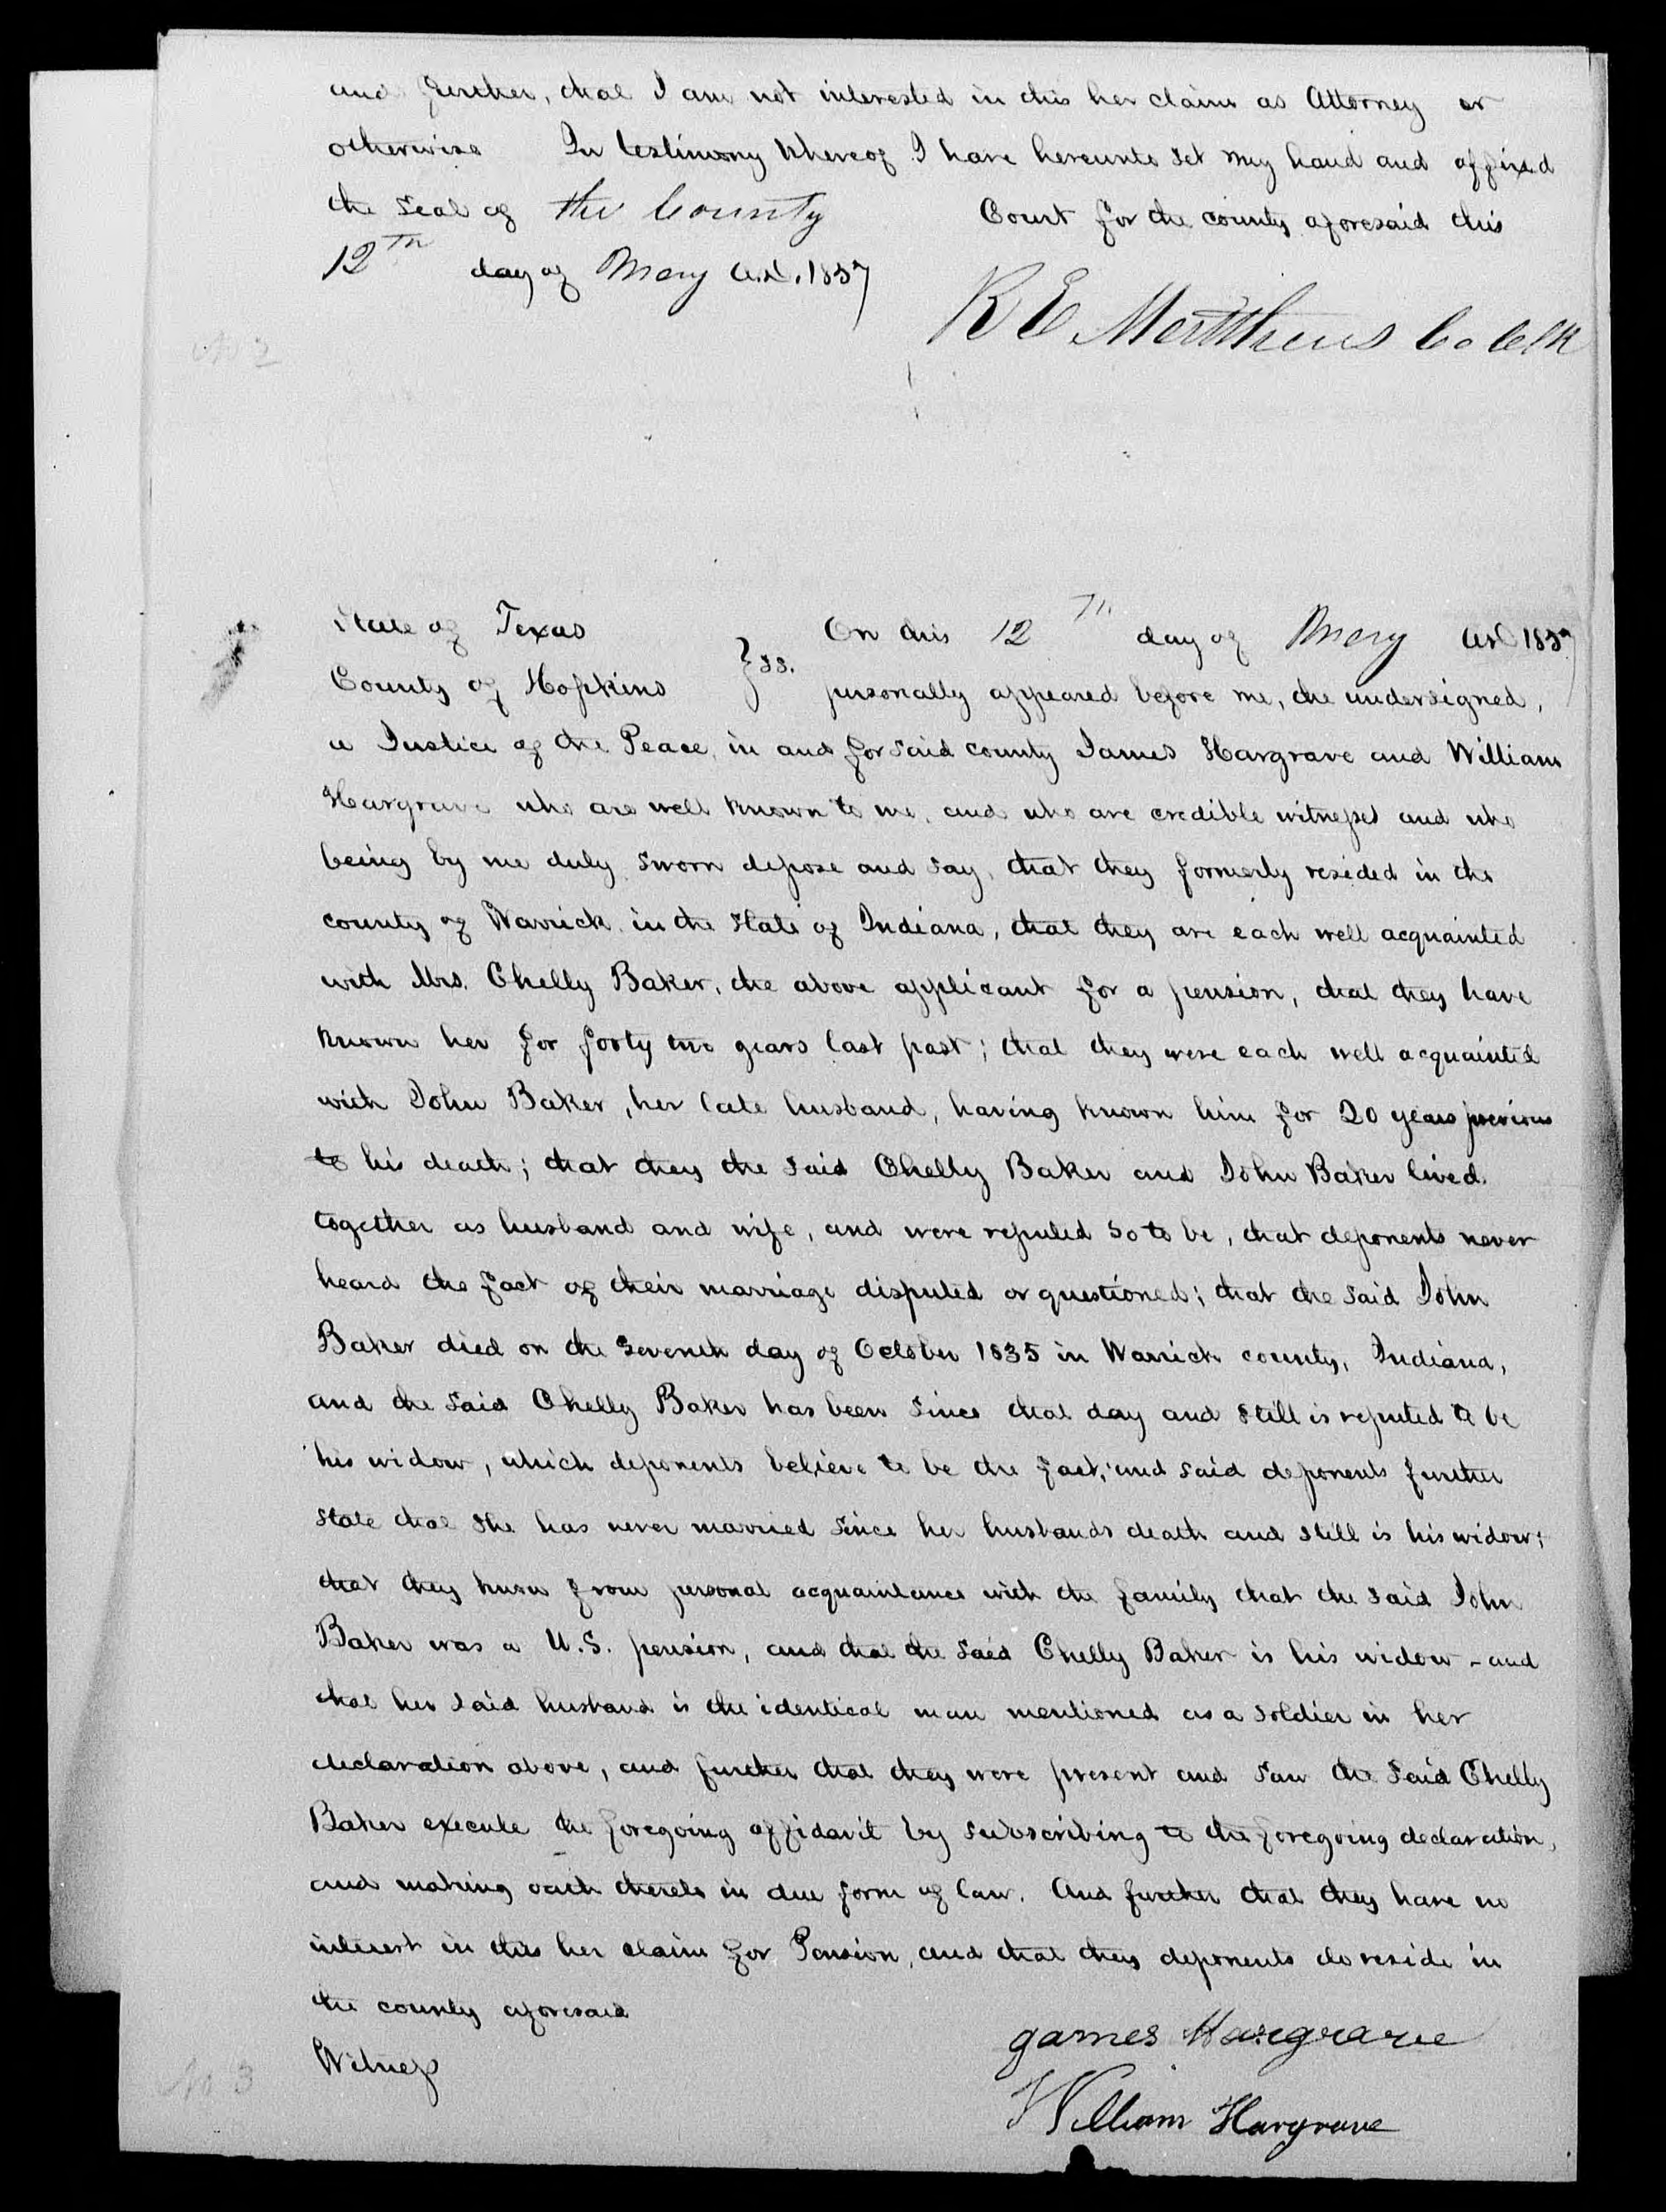and further, that I am not interested in this her claim as attorney or otherwise
In testimony whereof I have hereunto set my hand and affixed the seal of the County Court for the county aforesaid this 12th day of May A.D. 1857
R E Matthews Co Clk

State of Texas
County of Hopkins ss.
On this 12th day of May AD 1857 personally appeared before me, the undersigned a Justice of the Peace in and for said County James Hargrave and William Hargrave who are well known to me and who are credible witnessed and who being by me duly sworn depose and say, that they formerly resided in the County of Warrick in the State of Indiana, that they are each well acquainted with Mrs. Chelly Baker, the above applicant for a pension, that they have known her for forty two years last past: that they were each well acquainted with John Baker, her late husband, having known him for 20 years previous to his death; that they the said Chelly Baker and John Baker lived together as husband and wife, and were reputed so to be, that deponents never heard the fact of their marriage disputed or questioned; that the said John Baker died on the seventh day of October 1835 in Warrick County, Indiana, and the said Chelly Baker has been since that day and still is reputed a be his widow, which deponents believe to be the fact; and said deponents further state that she has never married since her husbands death and still is his widow, that they know from personal acquaintances with the family that the said John Baker was a U.S. pension, and that the said Chelly Baker is his widow - and that her said husband is the identical man mentioned as a soldier in her declaration above, and further that they were present and saw the said Chelly Baker execute the foregoing affidavit by subscribing to the foregoing declaration, and making oath thereto in due form of law. And further that they have no interest in this her claim for Pension, and that the deponents do reside in the county aforesaid
Witness
James Hargrave
William Hargrave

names: William Hargrave, Chelly Baker, James Hargrave, William Hargrave, R E Mattheus, John Baker, James Hargrave, Chelly Baker, John Baker, John Baker, Chelly Baker, Chelly Baker, John Baker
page: 13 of 27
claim: rejected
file: R. 406, John Baker, S.C.